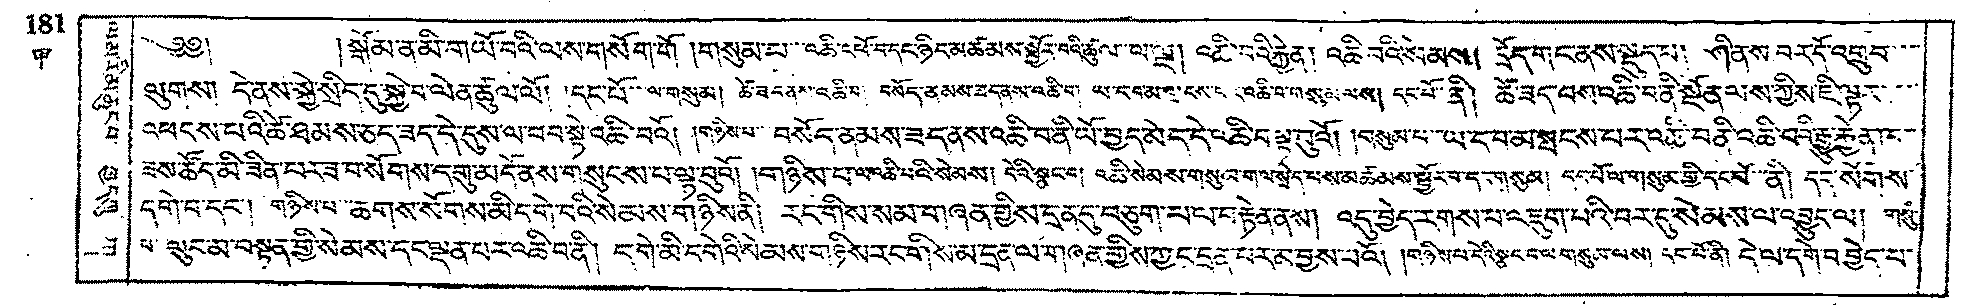༄༅། །སྒོམ་ན་མི་གཡོ་བའི་ལས་གསོག་གོ །གསུམ་པའཆི་འཕོ་བ་དང་ཉིང་མཚམས་སྦྱོར་བའི་ཚུལལ་ལྔ། འཆི་བའི་རྐྱེན། འཆི་བའི་སེམས། དྲོད་གང་ནས་སྡུད་པ། ཤི་ནས་བར་དོ་འགྲུབ་
ལུགས། དེ་ནས་སྐྱེ་སྲིད་དུ་སྐྱེ་བ་ལེན་ཚུལ་ལོ། །དང་པོལ་གསུམ། ཚེ་ཟང་ནས་འཆི་བ། བསོད་ནམས་ཟད་ནས་འཆི་བ། ཡང་བ་མ་སྲངས་པར་འཆི་བ་གསུམ་ལས། དང་པོནི། ཚེ་ཟད་པས་འཆི་བ་ནི་སྔོན་ལས་ཀྱིས་ཇི་ལྟར་
འཕངས་བའི་ཚེ་ཐམས་ཅད་ཟད་དེ་དུས་ལ་བབ་སྟེ་འཆི་བའོ། ། གཉིས་པབསོད་ནམས་ཟད་ནས་འཆི་བ་ནི་ཡོ་བྱད་མེད་དེ་འཆི་བ་ལྟ་བུའོ། ། གསུམ་པཡང་བ་མ་སྤངས་པར་འཆི་བ་ནི་འཆི་བའི་རྒྱུ་རྐྱེན་ཁ་
ཟས་ཚོད་མི་ཟིན་པར་ཟ་བ་སོགས་དགུ་མདོ་ནས་གསུངས་པ་ལྟ་བུའོ། །གཉིས་པ་ལ་འཆི་པའི་སེམས། དེའི་སྣང་བ། འཆི་སེམས་གསུམ་ག་ལ་སྲེད་པས་མཚམས་སྦྱོར་བ་དང་གསུམ། དང་པོ་ལ་གསུམ་གྱི་དང་པོནི། དད་སོགས་
དགེ་བ་དང་། གཉིས་པཆགས་སོགས་མི་དགེ་བའི་སེམས་གཉིས་ནི། རང་གིས་སམ་གཞན་གྱིས་དྲན་དུ་བཅུག་པ་ལ་བརྟེན་ནས། འདུ་བྱེད་རགས་པ་འཇུག་པའི་བར་དུ་སེམས་ལ་འབྱུང་ལ། གསུཾ་
པལུང་མ་བསྟན་གྱི་སེམས་དང་ལྡན་པར་འཆི་བ་ནི། དགེ་མི་དགེའི་སེམས་གཉིས་རང་གིས་མ་དྲན་ལ་གཞན་གྱིས་ཀྱང་དྲན་པར་མ་བྱས་པའོ། ། གཉིས་པ་དེའི་སྣང་བ་ལ་གསུམ་ལས། དང་པོ་ནི།  དེ་ལ་དགེ་བ་བྱེད་པ་